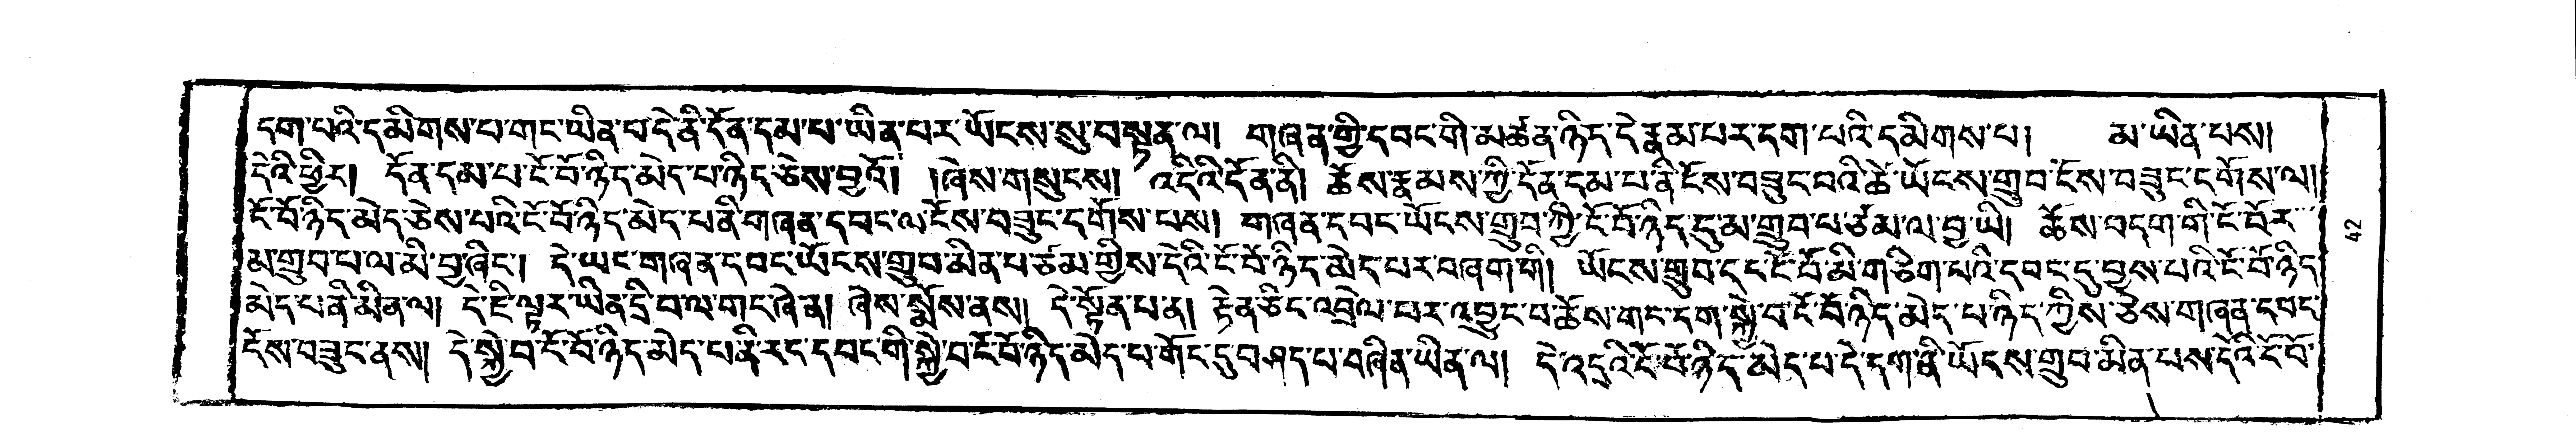དག་པའི་དམིགས་པ་གང་ཡིན་པ་དེ་ནི་དོན་དམ་པ་ཡིན་པར་ཡོངས་སུ་བསྟན་ལ། གཞན་གྱི་དབང་གི་མཚན་ཉིད་དེ་རྣམ་པར་དག་པའི་དམིགས་པ། མ་ཡིན་པས།
དེའི་ཕྱིར། དོན་དམ་པ་ངོ་བོ་ཉིད་མེད་པ་ཉིད་ཅེས་བྱའོ། །ཞེས་གསུངས། འདིའི་དོན་ནི། ཆོས་རྣམས་ཀྱི་དོན་དམ་པ་ནི་ངོས་བཟུང་བའི་ཚེ་ཡོངས་གྲུབ་ངོས་བཟུང་དགོས་ལ།
ངོ་བོ་ཉིད་མེད་ཅེས་པའི་ངོ་བོ་ཉིད་མེད་པ་ནི་གཞན་དབང་ལ་ངོས་བཟུང་དགོས་པས། གཞན་དབང་ཡོངས་གྲུབ་ཀྱི་ངོ་བོ་ཉིད་དུ་མ་གྲུབ་པ་ཙམ་ལ་བྱ་ཡི། ཆོས་བདག་གི་ངོ་བོར་
མ་གྲུབ་པ་ལ་མི་བྱ་ཞིང་། དེ་ཡང་གཞན་དབང་ཡོངས་གྲུབ་མིན་པ་ཙམ་གྱིས་དེའི་ངོ་བོ་ཉིད་མེད་པར་བཞག་གི། ཡོངས་གྲུབ་དང་ངོ་བོ་མི་གཅིག་པའི་དབང་དུ་བྱས་པའི་ངོ་བོ་ཉིད་
མེད་པ་ནི་མིན་ལ། དེ་ཇི་ལྟར་ཡིན་དྲི་བ་ལ་གང་ཞེ་ན། ཞེས་སྨོས་ནས། དེ་སྟོན་པ་ན། རྟེན་ཅིང་འབྲེལ་བར་འབྱུང་བ་ཆོས་གང་དག་སྐྱེ་བ་ངོ་བོ་ཉིད་མེད་པ་ཉིད་ཀྱིས་ཅེས་གཞན་དབང་
ངོས་བཟུང་ནས། དེ་སྐྱེ་བ་ངོ་བོ་ཉིད་མེད་པ་ནི་རང་དབང་གི་སྐྱེ་བ་ངོ་བོ་ཉིད་མེད་པ་གོང་དུ་བཤད་པ་བཞིན་ཡིན་ལ། དེ་འདྲའི་ངོ་བོ་ཉིད་མེད་པ་དེ་དག་ནི་ཡོངས་གྲུབ་མིན་པས་དེའི་ངོ་བོ་